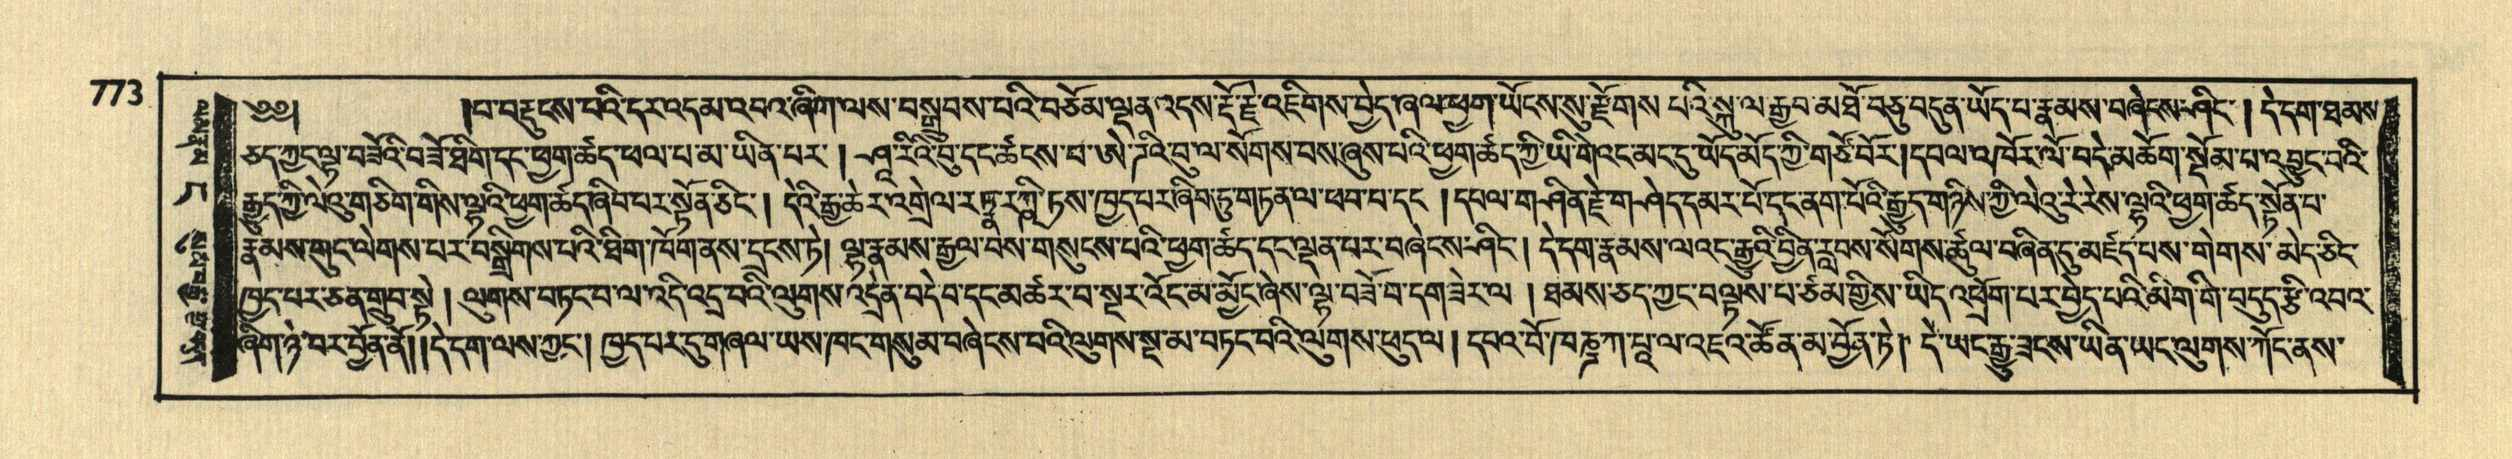༄༅། །པ་བརྡུངས་པའི་དར་འདམ་འབའ་ཞིག་ལས་བསྒྲུབས་པའི་བཅོམ་ལྡན་འདས་རྡོ་རྗེ་འཇིགས་བྱེད་ཞལ་ཕྱག་ཡོངས་སུ་རྫོགས་པའི་སྐུ་ལ་རྒྱབ་མཐོ་བཅུ་བདུན་ཡོད་པ་རྣམས་བཞེངས་ཤིང་། དེ་དག་ཐམས་
ཅད་ཀྱང་ལྷ་བཟོའི་བཟོ་ཐིག་དང་ཕྱག་ཚད་ཕལ་པ་མ་ཡིན་པར། ཤཱ་རིའི་བུ་དང་ཚངས་པ་ཨེ་ཌའི་བུ་ལ་སོགས་བས་ཞུས་པའི་ཕྱག་ཚད་ཀྱི་ཡི་གེའང་མང་དུ་ཡོད་མོད་ཀྱི་གཙོ་བོར། དབལ་འཁོར་ལོ་བདེ་མཆོག་སྡོམ་པ་འབྱུང་བའི་
རྒྱུད་ཀྱི་ལེའུ་གཅིག་གིས་ལྷའི་ཕྱག་ཚད་ཞིབ་པར་སྟོན་ཅིང་། དེའི་རྒྱ་ཆེར་འགྲེལ་རཏན་རཀྵི་ཏས་ཁྱད་པར་ཞིབ་ཏུ་གཏན་ལ་ཕབ་པ་དང་།དཔལ་གཤིན་རྗེ་གཤེད་དམར་པོ་དང་ནག་པོའི་རྒྱུད་གཉིས་ཀྱི་ལེའུ་རེ་རེས་ལྷའི་ཕྱག་ཚད་སྟོན་པ་
རྣམས་གུང་ལེགས་པར་བསྒྲིགས་པའི་ཐིག་ཁོག་ནས་དྲངས་ཏེ། ལྷ་རྣམས་རྒྱལ་བས་གསུངས་པའི་ཕྱག་ཚད་དང་ལྡན་པར་བཞེངས་ཤིང་། དེ་དག་རྣམས་ལའང་རྒྱུའི་བྱིན་རླབས་སོགས་ཚུལ་བཞིན་དུ་མཛད་པས་གེགས་མེད་ཅིང་
ཁྱད་པར་ཅན་གྲུབ་སྟེ། ལུགས་བཏང་བ་ལ་འདི་འདྲ་བའི་ལུགས་འདྲེན་བདེ་བ་དང་མཚར་བ་སྔར་འོང་མ་མྱོང་ཞེས་ལྷ་བཟོ་བ་དག་ཟེར་ལ། ཐམས་ཅད་ཀྱང་བལྟས་པ་ཙམ་གྱིས་ཡིད་འཕྲོག་པར་བྱེད་པའི་མིག་གི་བདུད་རྩི་འབའ་
ཞིག་ཉེ་བར་བྱོན་ནོ། །དེ་དག་ལས་ཀྱང་། ཁྱད་པར་དུ་གཞལ་ཡས་ཁང་གསུམ་བཞེངས་བའི་ལུགས་སྔ་མ་བཏང་བའི་ལུགས་ཕུད་ལ། དཔའ་བོ་ཁཎྜ་ཀ་པཱ་ལ་འཇའ་ཚོན་མ་བྱོན་ཏེ། དེ་ཡང་རྒྱུ་ཟངས་ཡིན་ཡང་ལུགས་ཀོང་ནས་